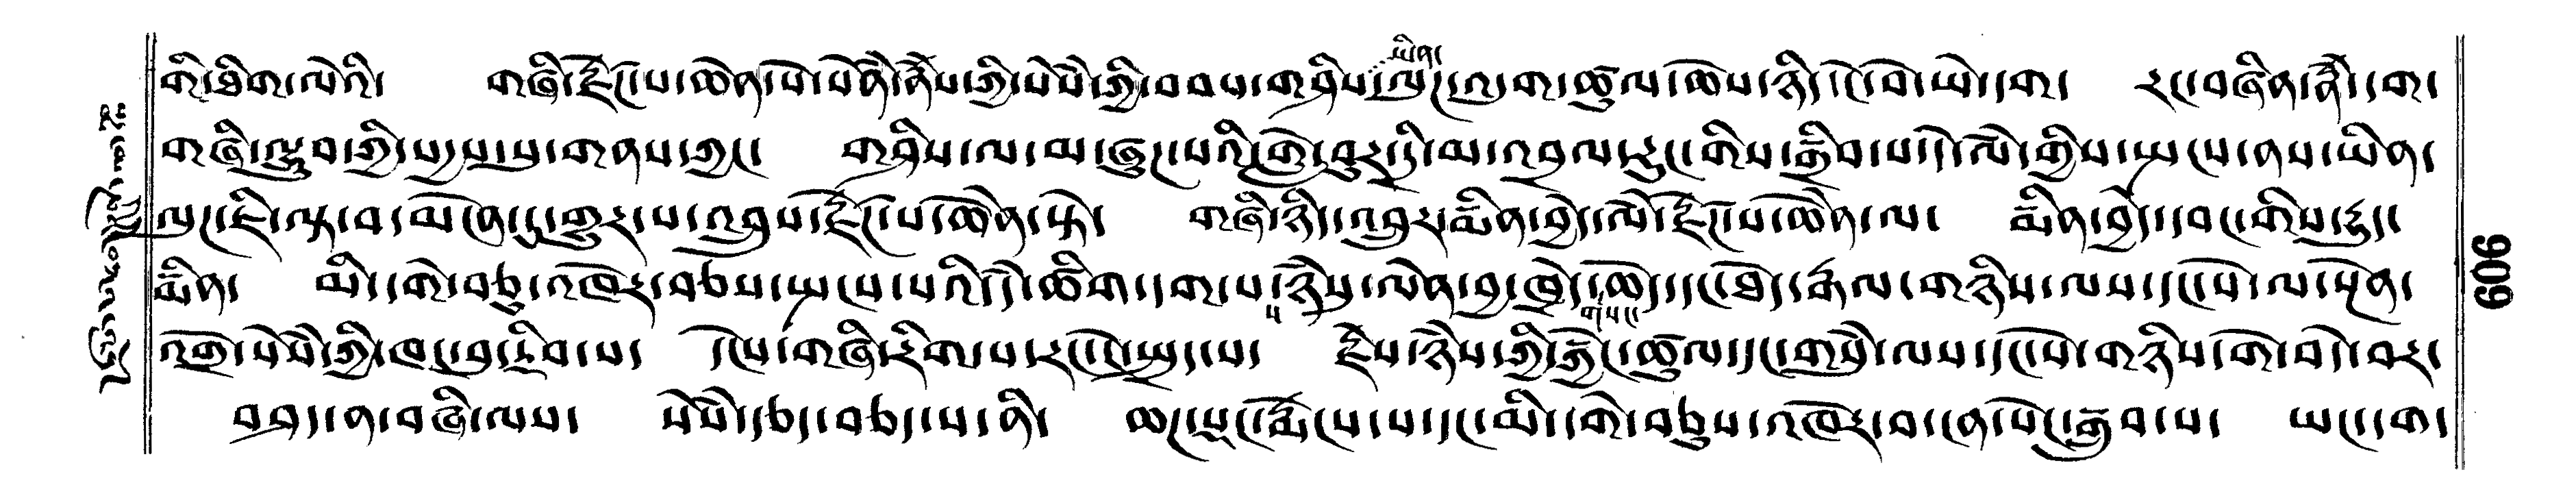གི་ཐིག་ལེའི། གཞི་རྫོགས་པ་ཆེན་པོ་སེམས་ཅན་རྣམས་ཀྱི་སེམས་ཀྱི་བབས། གཤིས་ཡིན་ལུགས་འདུག་ཚུལ་ཆོས་ཉིད་ངོ་བོ་ཡེ་དག རང་བཞིན་རྣམ་དག་
གཞི་ལྷུན་གྲུབ་ཀྱི་སངས་རྒྱས་སུ་གནས་ཀྱང་། གཤིས་ལ་མ་ཞུགས་པའི་གློ་བུར་དྲི་མ་འབྲལ་རུང་གིས་སྒྲིབ་པ་དེ་ལམ་གྱིས་སྤངས་ནས་ཡིན་
ལུགས་ཇི་ལྟ་བ་མངོན་དུ་གྱུར་བ་འབྲས་བུ་རྫོགས་པ་ཆེན་པོ་སྟེ། གཞི་ཉིད་འབྲས་བུར་སྨིན་བྱེད་ལམ་རྫོགས་པ་ཆེན་པོ་ལ། སྨིན་བྱེད་དབང་གིས་རྒྱུད་
སྨིན། མི་དགེ་བཅུ་འཁོར་བཅས་སྤངས་པའི་དམ་ཚིག་དག་པས་ཉམས་སུ་ལེན་བྱ་ཁྲེགས་ཆོད་དང་ཐོད་རྒལ་གཉིས་ལས། དང་པོ་ལ་སྔོན་
འགྲོ་སེམས་ཀྱི་ཁང་བུ་རྡིབ་པ། དངོས་གཞི་རིག་པ་རང་ངོ་སྤྲད་པ། རྗེས་ཉམས་ཀྱི་སྐྱོབ་ཚུལ་དང་གསུམ་ལས། དང་པོ་གཉིས་གོ་བདེ་བར་
བཤད་ན་བཞི་ལས། སེམས་རྩད་བཅད་པ་ནི། ཆགས་སྡང་རྨོངས་པ་དང་མི་དགེ་བཅུས་འཁོར་བ་ངན་སོང་སྒྲུབ་པ། ཡང་དག་